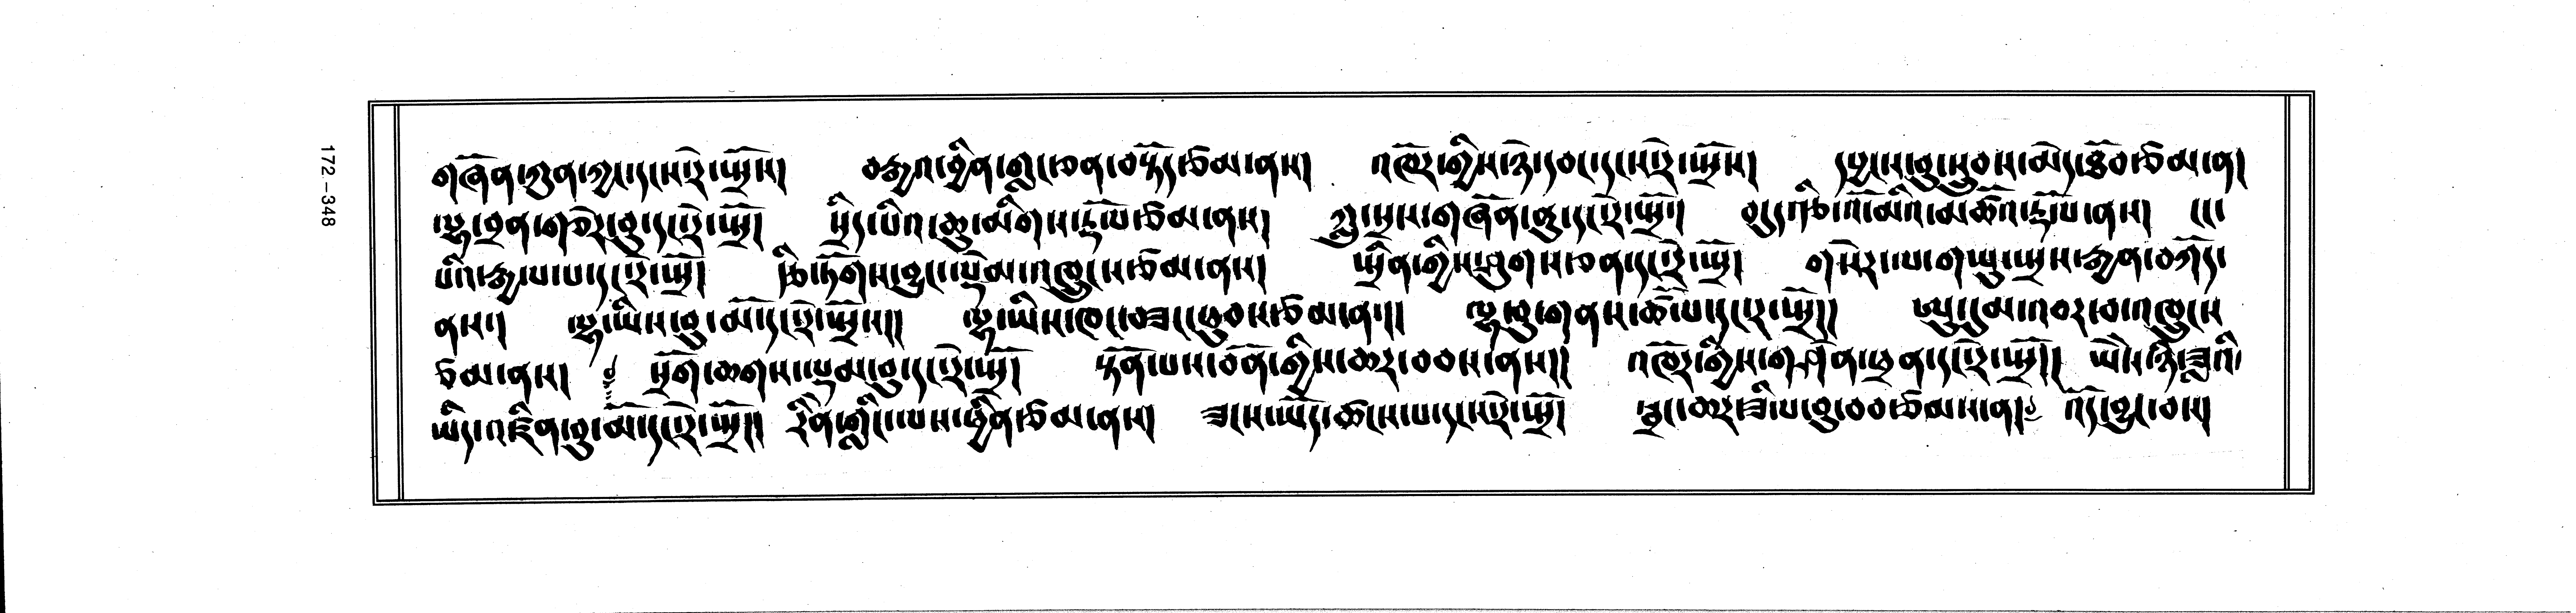གཞོན་ཀུན་ཀྱང་དྭངས་རེ་སྤྲོ། བརྒྱ་བྱིན་གླང་ཅན་བསྟོད་ཙམ་ནས། འཁོར་གྱིས་ཉེ་དབང་དྭངས་རེ་སྤྲོས། དཔྱངས་བུ་སྲུབས་མེད་ཐོབ་ཙམ་ན། 
ལྷ་བྲན་གཅེར་བུ་དྭངས་རེ་སྤྲོ། སྲིད་པའི་ཆུ་མིག་རྡོལ་ཙམ་ནས། ཀླུ་སྲས་གཞོན་ནུ་དྭངས་རེ་སྤྲོ། བདུད་རྩི་འོ་མའི་མཚོའ་རྡོལ་ནས། ངང་
པའི་རྒྱལ་པོ་དྭངས་རེ་སྤྲོ། རྩི་ཏོག་བྱུང་ལྡེམ་འཁྲུངས་ཙམ་ནས། སྤྲིན་གྱིས་ཤུགས་ཅན་དྭངས་རེ་སྤྲོ། གསེར་ལ་གཡུ་སྤྲས་རྒྱན་བཀོད་
ནས། ལྷ་ཡི་བུ་མོ་དྭངས་རེ་སྤྲོས། ལྷ་ཡིས་ཁང་བཟང་ཕུབས་ཙམ་ན། ལྷ་བུ་གནས་ཚོལ་དྭངས་རེ་སྤྲོ། ཨུ་དུམ་འབར་བ་འཁྲུངས་
ཙམ་ནས། ཡིད་འཛིན་བུ་མོ་དྭངས་རེ་སྤྲོ། སྟོན་པས་བོན་གྱིས་ཆར་བབས་ནས། འཁོར་གྱིས་གཤེན་ཕྲན་དྭངས་རེ་སྤྲོ། ཡེ་ཤེས་ཉི་ཟླའི་
ཡིད་འཛིན་བུ་མོ་དང་རེ་སྤྲོད། རིན་ཆེན་གླིང་ལས་ཕྱིན་ཙམ་ནས། ཟངས་ཡོད་ཚངས་པ་དྭངས་རེ་སྤྲོ། སྦྲང་ཆར་ཟིལ་བུ་བབ་ཙམས་ན། འོད་བྱུང་བས།